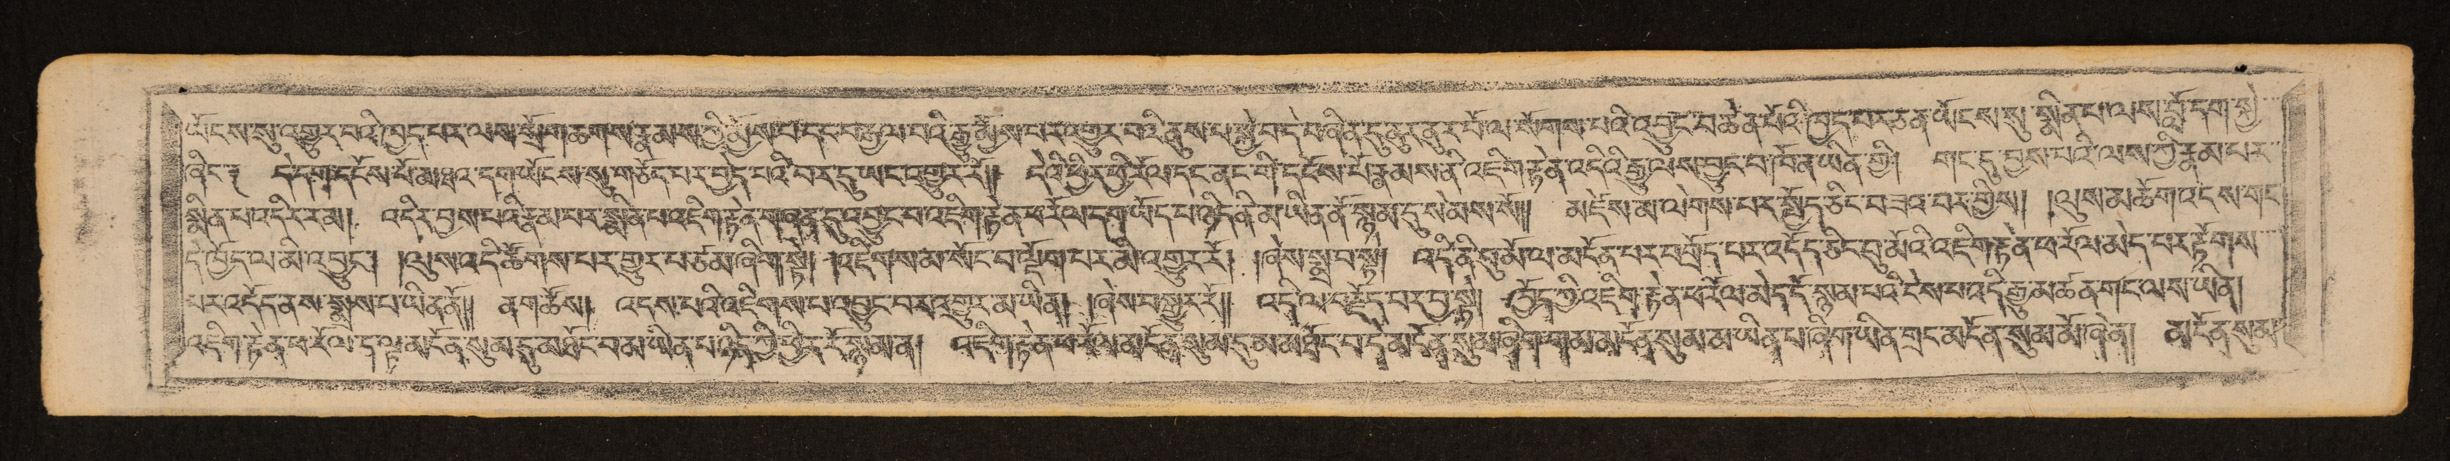ཡོངས་སུ་འགྱུར་བའི་ཁྱད་པར་ལས་སྲོག་ཆགས་རྣམས་ཀྱི་མྱོས་པ་དང་བརྒྱལ་བའི་རྒྱུ་མྱོས་པར་འགྱུར་བའི་ནུས་པ་སྐྱེ་བ་དེ་བཞིན་དུ་ནུར་ནུར་པོ་ལ་སོགས་པའི་འབྱུང་བ་ཆེན་པོའི་ཁྱད་པར་ཅན་ཡོངས་སུ་སྨིན་པ་ལས་བློ་དག་སྐྱེ་
ཞིང༑ དེ་དག་དངོས་པོ་མཐའ་དག་ཡོངས་སུ་གཅོད་པར་བྱེད་པའི་བར་དུ་ཡང་འགྱུར་རོ།། དེའི་ཕྱིར་ཕྱི་རོལ་དང་ནང་གི་དངོས་པོ་རྣམས་ནི་འཇིག་རྟེན་འདིའི་རྒྱུ་ལས་བྱུང་བ་ཁོ་ན་ཡིན་གྱི། གང་དུ་བྱས་པའི་ལས་ཀྱི་རྣམ་པར་
སྨིན་པ་འདིར་རམ། འདིར་བྱས་པའི་རྣམ་པར་སྨིན་པ་འཇིག་རྟེན་གཞན་དུ་འབྱུང་བ་འཇིག་རྟེན་ཕ་རོལ་དག་ཡོད་པ་ཉིད་ནི་མ་ཡིན་ནོ་སྙམ་དུ་སེམས་སོ།། མཛེས་མ་ལེགས་པར་སྤྱོད་ཅིང་བཟའ་བར་གྱིས། །ལུས་མཆོག་འདས་གང་
དེ་ཁྱོད་ལ་མི་འབྱུང་། །ལུས་འདི་ཚོགས་པར་གྱུར་པ་ཙམ་ཞིག་སྟེ། །འཇིགས་མ་སོང་བ་ལྡོག་པར་མི་འགྱུར་རོ། །ཞེས་སྨྲ་བ་སྟེ། འདི་ནི་བུ་མོ་ལ་མངོན་པར་བགྲོད་པར་འདོད་ཅིང་བུ་མོའི་འཇིག་རྟེན་ཕ་རོལ་མེད་པར་རྟོགས་
པར་འདོད་ནས་སྨྲས་པ་ཡིན་ནོ།། ནག་ཚོས། འདས་པའི་འཇིགས་པ་འབྱུང་བར་འགྱུར་མ་ཡིན། །ཞེས་བསྒྱུར་རོ།། འདི་ལ་བརྗོད་པར་བྱ་སྟེ། ཁྱོད་ཀྱི་འཇིག་རྟེན་ཕ་རོལ་མེད་དོ་སྙམ་པའི་ངེས་པ་འདི་རྒྱུ་མཚན་གང་ལས་ཡིན།
འཇིག་རྟེན་ཕ་རོལ་ད་ལྟ་མངོན་སུམ་དུ་མཐོང་བ་མ་ཡིན་པ་ཉིད་ཀྱི་ཕྱིར་རོ་སྙམ་ན། འཇིག་རྟེན་ཕ་རོལ་མངོན་སུམ་དུ་མ་མཐོང་བ་དེ་མངོན་སུམ་ཞིག་གམ་མངོན་སུམ་མ་ཡིན་པ་ཞིག་ཡིན་གྲང་མངོན་སུམ་མོ་ཞེ་ན། མངོན་སུམ་